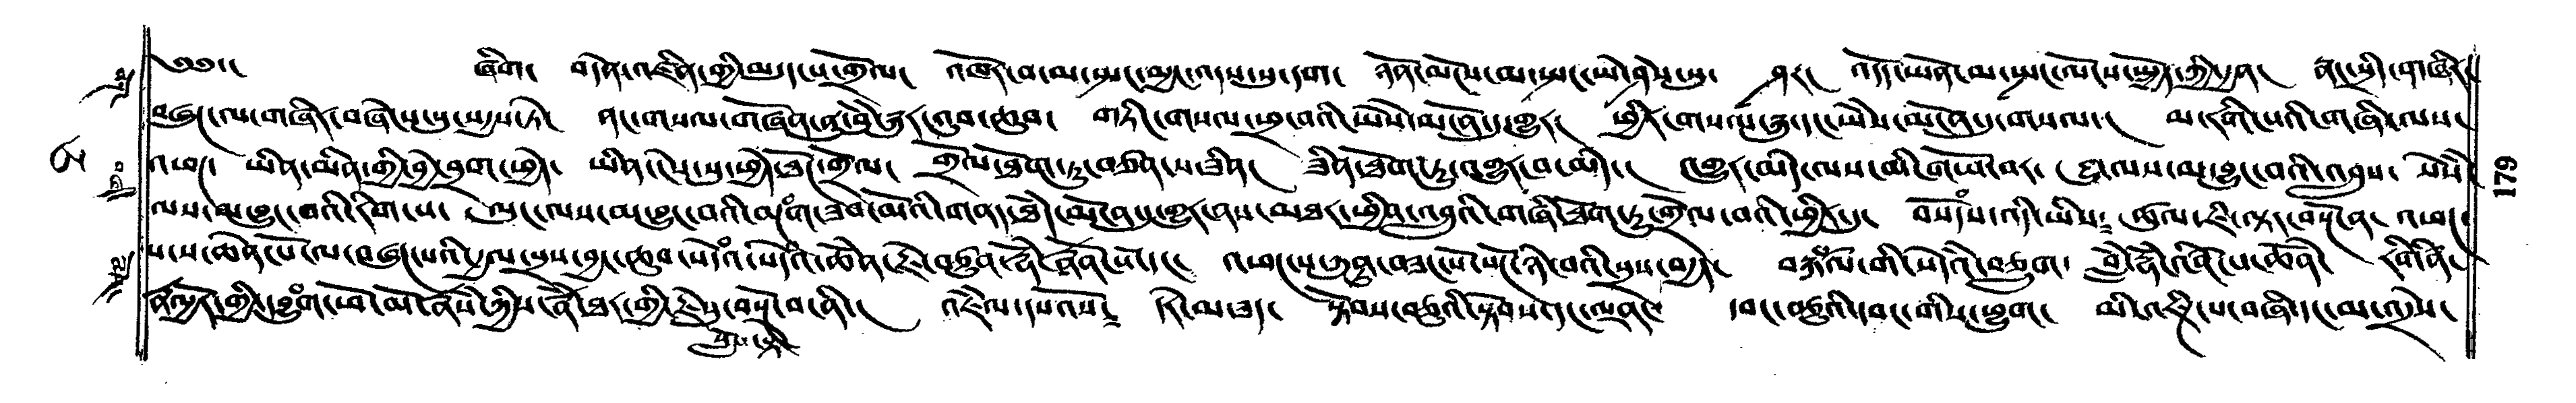ཞིག བདེན་འཛིན་གྱི་མདུད་པ་གྲོལ། འཁོར་བ་མ་སྤངས་མྱང་འདས་སུ་དག ཉོན་མོངས་མ་སྤངས་ཡེ་ཤེས་སུ་ཤར། འདོད་ཡོན་མ་སྤངས་ལོངས་སྤྱོད་ཀྱིས་བརྒྱན། སྣང་སྲིད་གཞིར་
བཞུགས་ལ་གཞིར་བཞེངས་སུ་སངས་རྒྱས་ཏེ། ནང་གསལ་གཞོན་ནུ་བུམ་སྐུར་འུབ་ཆུབ། གཏིང་གསལ་ཕྲ་བའི་ཡེ་ཤེས་མངོན་དུ་གྱུར། ཕྱི་གསལ་སྐུ་དང་ཡེ་ཤེས་མངོན་དུ་གསལ། མ་རིག་པའི་གཞི་ལས་
འཕགས། ཡིན་མིན་གྱི་བྱེ་བྲག་ཕྱེད། ཡིན་ངེས་སུ་ཕྱེད་ཐོག་གྲོལ། གྲོལ་ཐོག་ཏུ་བཙན་ས་ཟིན། ཟིན་ཐོག་ཏུ་འགྱུར་བ་མེད། འགྱུར་མེད་ལས་མི་གཡོ་བར་རྒྱུ་ལས་མ་བྱུང་བའི་འབྲས་བུ། སེམས་
ལས་མ་བྱུང་བའི་རིག་པ། ལུང་ལས་མ་བྱུང་བའི་མན་ངག་ཟབ་མོའི་གནད་ཐམས་ཅད་མངོན་དུ་གྱུར་ནས་མཐར་ཕྱིན་འབྲས་བུའི་གཞི་ཐོག་ཏུ་གྲོལ་བའི་ཕྱིར་དུ། བསོད་ནམས་འདི་ཡིས༴ ཚུལ་ཇི་ལྟར་བསྔོ་ན། འཕགས་
པས་ཆེན་པོ་ལ་བཞུགས་པའི་རྒྱལ་སྲས་བྱང་ཆུབ་སེམས་དཔའ་སེམས་དཔའ་ཆེན་པོ་རྗེ་བཙུན་རྡོ་རྗེ་རྣོན་པོ་དང་། འཕགས་པ་ཀུན་ཏུ་བཟང་པོ་སོགས་ཉེ་བའི་སྲས་བརྒྱད། བསྐལ་བཟང་གི་སེམས་དཔའ་བཅུ་དྲུག བླ་མ་རྡོ་རྗེ་འཛིན་པ་ཆེན་པོ། རིག་འཛིན་
རྣལ་འབྱོར་གྱི་དབང་ཕྱུག་ཕོ་མོ་རྣམས་ཀྱིས་རྣམ་ཐར་གྱི་རྗེས་སུ་སླབས་སྟེ་བསྔོ་བ་ནི། འཇམ་དཔལ་དཔའ་བོས༴ དེར་མ་ཟད། སྟོབས་བཅུའི་སྟོབས་དང་ལྡན། དབང་བཅུའི་དབང་གིས་ཕྱུག མི་འཇིགས་པ་བཞི་དང་། མ་འདྲེས་པ་